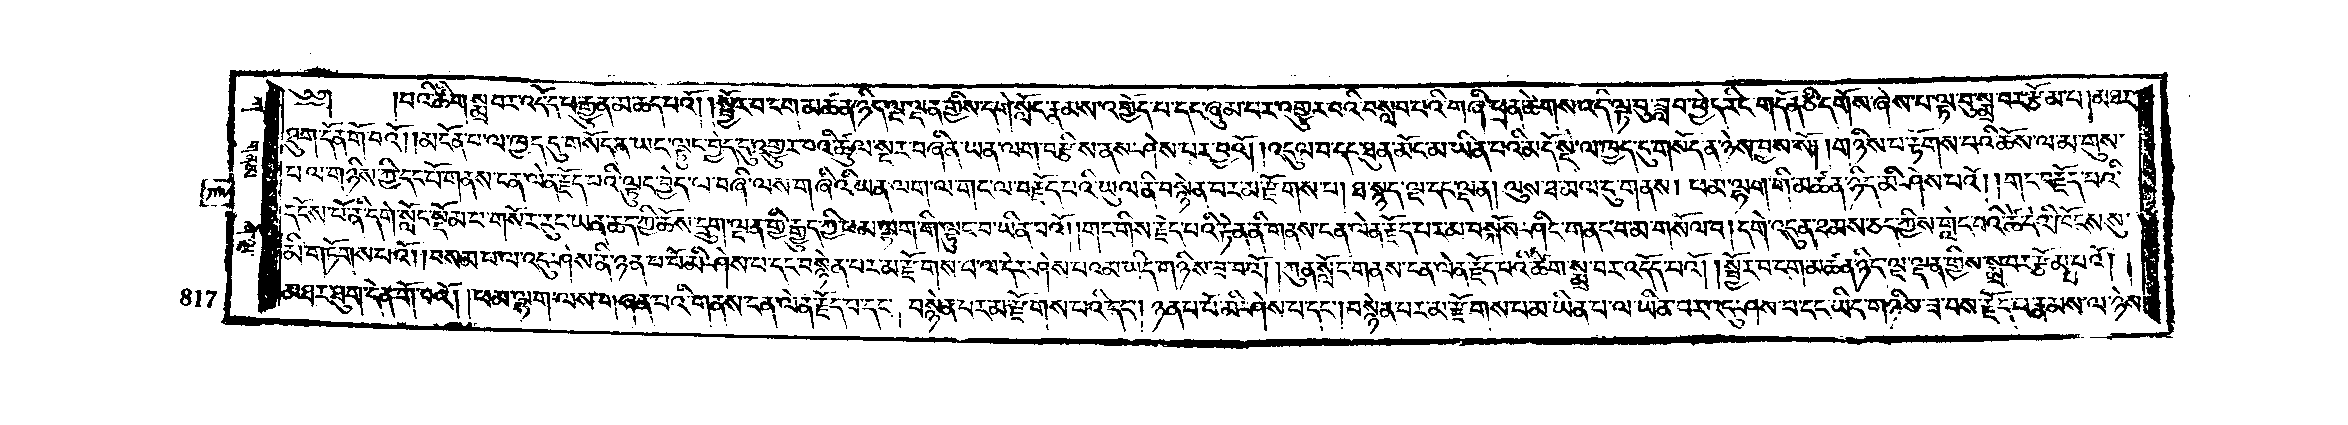༄༅། །པའི་ཚིག་སྨྲ་བར་འདོད་པ་རྒྱུན་མ་ཆད་པའོ། །སྦྱོར་བ་ངག་མཚན་ཉིད་ལྔ་ལྡན་གྱིས་དགེ་སློང་རྣམས་འགྱོད་པ་དང་ཞུམ་པར་འགྱུར་བའི་བསླབ་པའི་གཞི་ཕྲན་ཚེགས་འདི་ལྟ་བུ་ཟླ་བ་ཕྱེད་རིང་གདོན་ཅི་དགོས་ཞེས་པ་ལྟ་བུ་སྨྲ་བར་རྩོམ་པ། མཐར་
ཐུག་དོན་གོ་བའོ། །མངོན་པ་ལ་ཁྱད་དུ་གསོད་ན་ཡང་ལྟུང་བྱེད་དུ་འགྱུར་བའི་ཚུལ་སྔར་བཞིན་ཡན་ལག་བརྩིས་ནས་ཤེས་པར་བྱའོ། །འདུལ་བ་དང་ཐུན་མོང་མ་ཡིན་པའི་མདོ་སྡེ་ལ་ཁྱད་དུ་གསོད་ན་ཉེས་བྱས་སོ། །གཉིས་པ་རྟོགས་པའི་ཆོས་ལ་མ་གུས་
པ་ལ་གཉིས་ཀྱི་དང་པོ་གནས་ངན་ལེན་རྗོད་པའི་ལྟུང་བྱེད་ལ་བཞི་ལས་གཞིའི་ཡན་ལག་ལ་གང་ལ་བརྗོད་པའི་ཡུལ་ནི་བསྙེན་པར་མ་རྫོགས་པ། ཐ་སྙད་ལྔ་དང་ལྡན། ལུས་ཐ་མལ་དུ་གནས། ཕམ་ལྷག་གི་མཚན་ཉིད་མི་ཤེས་པའོ། །གང་བརྗོད་པའི་
དངོས་པོ་ནི་དགེ་སློང་སྡོམ་པ་གསོར་རུང་ཡན་ཆད་ཀྱི་ཆོས་དྲུག་ལྡན་གྱི་རྒྱུད་ཀྱི་ཕམ་ལྷག་གི་ལྟུང་བ་ཡིན་པའོ། །གང་གིས་རྗེད་པའི་རྟེན་ནི་གནས་ངན་ལེན་རྗོད་པར་མ་བསྐོས་ཤིང་གནང་བ་མ་གསོལ་བ། དགེ་འདུན་ཐམས་ཅད་ཀྱིས་གླེང་བའི་ཚེ་དེའི་ཁོངས་སུ་
མི་གཏོགས་པའོ། །བསམ་པ་ལ་འདུ་ཤེས་ནི་ཉན་པ་པོ་མི་ཤེས་པ་དང་བསྙེན་པར་མ་རྫོགས་པ་ལ་དེར་ཤེས་པའམ་ཡིད་གཉིས་ཟ་བའོ། །ཀུན་སློང་གནས་ངན་ལེན་རྗོད་པའི་ཚིག་སྨྲ་བར་འདོད་པའོ། །སྦྱོར་བ་ངག་མཚན་ཉིད་ལྔ་ལྡན་གྱིས་སྨྲ་བར་རྩོམ་པ་པའོ། །
མཐར་ཐུག་དེན་གོ་བའོ། །ཕམ་ལྷག་ལས་གཞན་པའི་གནས་ངན་ལེན་རྗོད་པ་དང་། བསྙེན་པར་མ་རྫོགས་པའི་དང་། ཉན་པ་པོ་མི་ཤེས་པ་དང་། བསྙེན་པར་མ་རྫོགས་པ་མ་ཡིན་པ་ལ་ཡིན་བར་འདུ་ཤེས་པ་དང་ཡིད་གཉིས་ཟ་བས་རྗོད་པ་རྣམས་ལ་ཉེས་